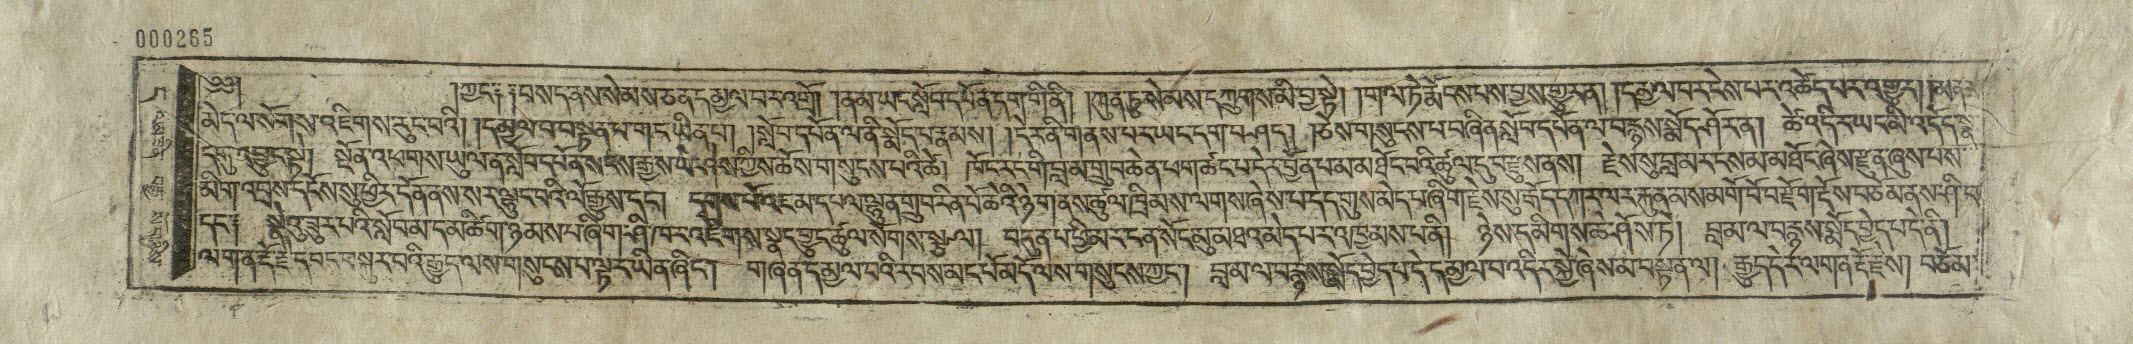༄༅། །ཀྱང༑ ༑བསད་ནས་སེམས་ཅན་དམྱལ་བར་འགྲོ། །ནམ་ཡང་སློབ་དཔོན་དག་གི་ནི། །ཀུན་ཏུ་སེམས་དཀྲུགས་མི་བྱ་སྟེ། །གལ་ཏེ་རྨོངས་པས་བྱས་གྱུར་ན། །དམྱལ་བར་ངེས་པར་འཚེད་པར་འགྱུར། །མནར་
མེད་ལ་སོགས་འཇིགས་རུང་བའི། །དམྱལ་བ་བསྟན་པ་གང་ཡིན་པ། །སློབ་དཔོན་ལ་ནི་སྨོད་པ་རྣམས། །དེར་ནི་གནས་པར་ཡང་དག་བཤད། །ཅེས་གསུངས་པ་བཞིན་སློབ་དཔོན་ལ་བརྙས་སྨོད་ཤོར་ན། ཚེ་འདིར་ཡང་མི་འདོད་སྣ་
དགུ་འབྱུང་སྟེ། སྔོན་འཕགས་ཡུལ་ན་སློབ་དཔོན་སངས་རྒྱས་ཡེ་ཤེས་ཀྱིས་ཆོས་གསུངས་པའི་ཚེ། ཁོང་རང་གི་བླ་མ་གྲུབ་ཆེན་ཕག་ཚང་པ་དེར་བྱོན་པ་མ་མཐོང་བའི་ཚུལ་དུ་བརྫུས་ནས། རྗེས་སུ་བླ་མར་ངས་མ་མཐོང་ཞེས་རྫུན་ཞུས་པས་
མིག་འབྲས་དངོས་སུ་ཕྱིར་དོན་ནས་སར་ལྷུང་བའི་ལོ་རྒྱུས་དང་། དྭགས་པོ་འཇམ་དཔལ་ལྷུན་གྲུབ་རིན་པོ་ཆེའི་ཉེ་གནས་ཚུལ་ཁྲིམས་ལགས་ཞེས་པ་དད་གུས་མེད་པ་ཞིག་རྗེས་སུ་རྒོད་དཀར་ལར་རྐུན་མས་མགོ་བོ་བརྫོག་རྡོས་བཅོམ་ནས་ཤི་བ་
དང༑ སྣེའུ་ཟུར་པའི་སློབ་མ་དམ་ཚིག་ཉམས་པ་ཞིག་ཤི་ཁར་འཇིགས་སྣང་བྱུང་ཚུལ་སོགས་སྩལ། བདུན་པ་ཕྱི་མར་ངན་སོང་མུ་མཐའ་མེད་པར་འཁྱམས་པ་ནི། ཉེས་དམིགས་ཆེ་ཤོས་ཏེ། བླ་མ་ལ་བརྙས་སྨོད་བྱེད་པ་དེ་ནི།
ལག་ན་རྡོ་རྗེ་དབང་བསྐུར་བའི་རྒྱུད་ལས་གསུངས་པ་ལྟར་ཡིན་ཞིང་། གཞན་དམྱལ་བའི་རབས་མང་པོ་མདོ་ལས་གསུངས་ཀྱང་། བླ་མ་ལ་བརྙས་སྨོད་བྱེད་པ་དེ་དམྱལ་བ་འདིར་སྐྱེ་ཞེས་མ་བསྟན་ལ། རྒྱུད་དེར་ལག་ན་རྡོ་རྗེས། བཅོམ་